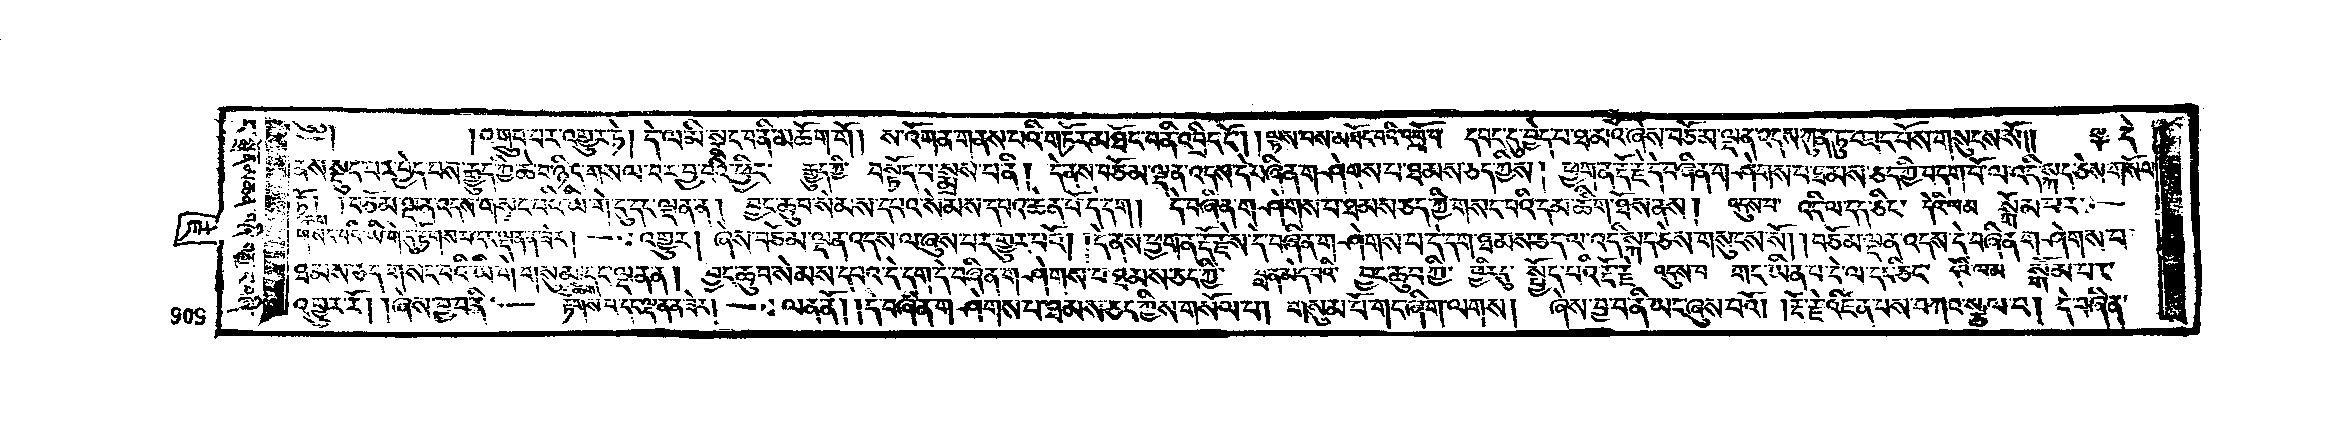༄༅། །འགྲུབ་པར་འགྱུར་ཏེ། དེ་ལ་མི་སྣང་བ་ནི་མཆོག་གོ ། ས་འོག་ན་གནས་པའི་གཏེར་མཐོང་བ་ནི་འབྲིང་ངོ། །ལྟས་བས་མཐོང་བའི་འགྲོ་བ་དབང་དུ་བྱེད་པ་ཐ་མའོ་ཞེས་བཅོམ་ལྡན་འདས་ཀུན་ཏུ་བཟང་པོས་གསུངས་སོ།། ༈ དེ་
ནས་སྡུད་པར་བྱེད་པས་རྒྱུད་ཀྱི་ཆེ་བ་ཉིད་གསལ་བར་བྱ་བའི་ཕྱིར་རྒྱུད་ཀྱི་བསྟོད་པ་སྨྲས་པ་ནི། དེ་ནས་བཅོམ་ལྡན་འདས་དེ་བཞིན་གཤེགས་པ་ཐམས་ཅད་ཀྱིས། ཕྱག་ན་རྡོ་རྗེ་དེ་བཞ་ན་གཤེགས་པ་ཐམས་ཅད་ཀྱི་བདག་པོ་ལ་འདི་སྐད་ཅེས་གསོལ་
ཏོ། །བཅོམ་ལྡན་འདས་གསང་བའི་ཡི་གེ་དུ་དང་ལྡན་ན། བྱང་ཆུབ་སེམས་དཔའ་སེམས་དཔའ་ཆེན་པོ་དེ་དག ། དེ་བཞིན་གཤེགས་པ་ཐམས་ཅད་ཀྱི་གསང་བའི་དམ་ཚིག་ཐོས་ནས། འདུས་པ་འདི་ལ་དད་ཅིང་དེའི་ལམ་སྒོམ་པར་
གསང་བའི་ཡི་གེ་དུ་རྟོགས་པ་དང་ལྡན་ན་ཟེར།  འགྱུར། ཞེས་བཅོམ་ལྡན་འདས་ལ་ཞུས་པར་གྱུར་པའོ། །དེ་ནས་ཕྱག་ན་རྡོ་རྗེས་དེ་བཞིན་གཤེགས་པ་དེ་དག་ཐམས་ཅད་ལ་འདི་སྐད་ཅེས་གསུངས་སོ། །བཅོམ་ལྡན་འདས་དེ་བཞིན་གཤེགས་པ་
ཐམས་ཅད་གསང་བའི་ཡི་གེ་གསུམ་དང་ལྡན་ན། བྱང་ཆུབ་སེམས་དཔའ་དེ་དག་དེ་བཞིན་གཤེགས་པ་ཐམས་ཅད་ཀྱི་བླ་ན་མེད་པའི་བྱང་ཆུབ་ཀྱི་ཕྱིར་དུ་སྤྱོད་པའི་རྡོ་རྗེ་འདུས་པ་གང་ཡིན་པ་དེ་ལ་དད་ཅིང་དེའི་ལམ་སྒོམ་པར་
འགྱུར་རོ། །ཞེས་བྱ་བ་ནི་H.རྟོགས་པ་དང་ལྡན་ན་ཟེརH།  ལན་ནོ། །དེ་བཞིན་གཤེགས་པ་ཐམས་ཅད་ཀྱིས་གསོལ་པ། གསུམ་པོ་གང་ཞིག་ལགས། ཞེས་བྱ་བ་ནི་ཡང་ཞུས་པའོ། །རྡོ་རྗེ་འཛིན་པས་བཀའ་སྩལ་པ། དེ་བཞིན་